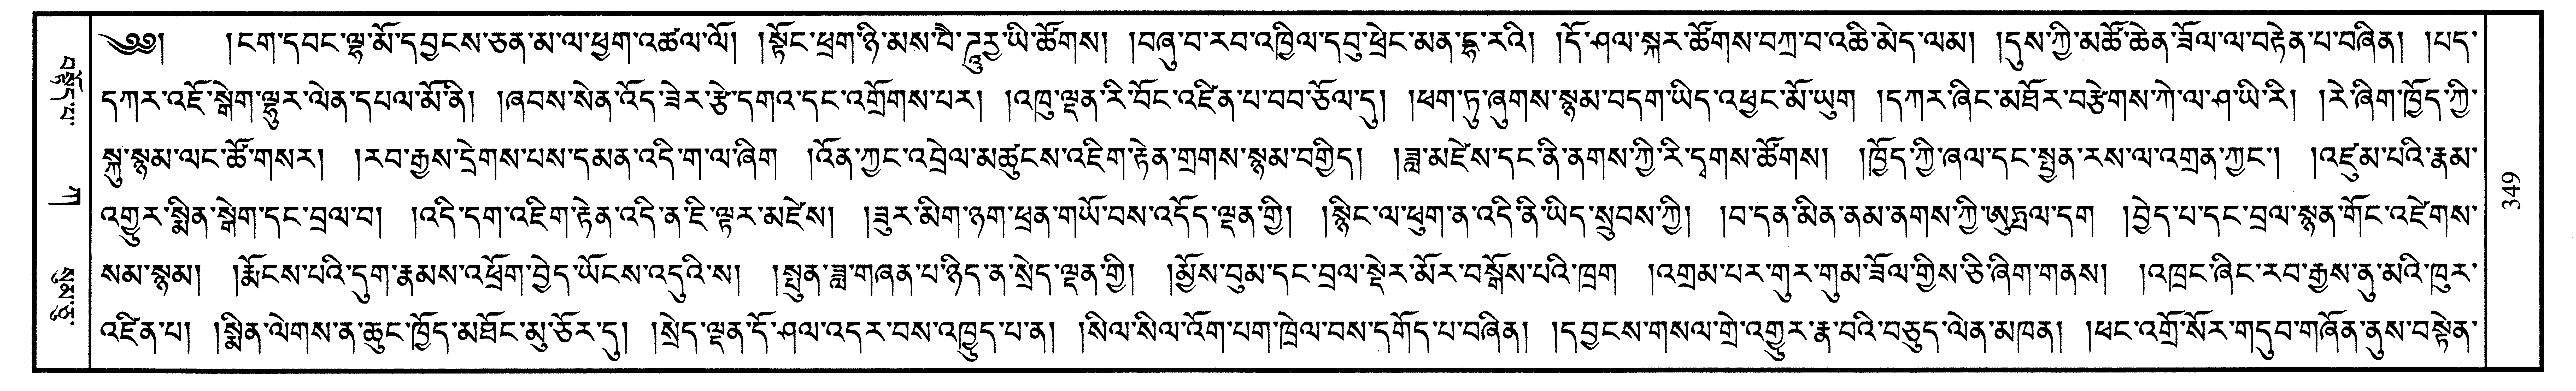༄༅། །ངག་དབང་ལྷ་མོ་དབྱངས་ཅན་མ་ལ་ཕྱག་འཚལ་ལོ། །སྟོང་ཕྲག་ཉི་མས་བཻ་ཌཱུརྱ་ཡི་ཚོགས། །བཞུ་བ་རབ་འཁྱིལ་དབུ་ཕྲེང་མན་དྷ་རའི། །དོ་ཤལ་སྐར་ཚོགས་བཀྲ་བ་འཆི་མེད་ལམ། །དུས་ཀྱི་མཚོ་ཆེན་ཟོལ་ལ་བརྟེན་པ་བཞིན། །པད་
དཀར་འཇོ་སྒེག་ལྷུར་ལེན་དཔལ་མོ་ནི། །ཞབས་སེན་འོད་ཟེར་དགའ་དང་འགྲོགས་པར། །འཁུར་ལྡན་རི་བོང་འཛིན་པ་བབ་ཅོལ་དུ། །ཕག་ཏུ་ཞུགས་སྙམ་བདག་ཡིད་འཕྱང་མོ་ཡུག །དཀར་ཞིང་མཐོར་བརྩེགས་ཀེ་ལ་ཤ་ཡི་རི། །རེ་ཞིག་ཁྱོད་ཀྱིས་
སྐུ་སྙམ་ལང་ཚོ་གསར། །རབ་རྒྱས་དྲེགས་པས་དམན་འདི་ག་ལ་ཞིག །འོན་ཀྱང་འབྲེལ་མཚུངས་འཇིག་རྟེན་གྲགས་སྙམ་བགྱིད། །ཟླ་མཛེས་དང་ནི་ནགས་ཀྱི་རི་དྭགས་ཚོགས། །ཁྱོད་ཀྱི་ཞལ་དང་སྤྱན་རས་ལ་འགྲན་ཀྱང་། །འཛུམ་པའི་རྣམ་
འགྱུར་སྨིན་སྒེག་དང་བྲལ་བ། །འདི་དག་འཇིག་རྟེན་འདི་ན་ཇི་ལྟར་མཛེས། །ཟུར་མིག་ཉག་ཕྲན་གཡོ་བས་འདོད་ལྡན་གྱི། །སྙིང་ལ་ཕུག་ན་འདི་ནི་ཡིད་སྲུབས་ཀྱི། །བ་དན་མིན་ནམ་ནགས་ཀྱི་ཨུཏྤལ་དག །བྱེད་པ་དང་བྲལ་སྙན་གོང་འཛེགས་
སམ་སྙམ། །རྨོངས་པའི་དུག་རྣམས་འཕྲོག་བྱེད་ཡོངས་འདུའི་ས། །སྤུན་ཟླ་གཞན་པ་ཉིད་ན་སྲེད་ལྡན་གྱི། །མྱོས་བུམ་དང་བྲལ་སྡེར་མོར་བསྒོས་པའི་ཁྲག །འགྲམ་པར་གུར་གུམ་ཟོལ་གྱིས་ཅི་ཞིག་གནས། །འཁྲང་ཞིང་རབ་རྒྱས་ནུ་མའི་ཁུར་
འཛིན་པ། །སྨིན་ལེགས་ན་ཆུང་ཁྱོད་མཐོང་མུ་ཅོར་དུ། །སྲེད་ལྡན་དོ་ཤལ་འདར་བས་འཁྱུད་པ་ན། །སིལ་སིལ་འོག་པག་ཁྲེལ་བས་དགོད་པ་བཞིན། །དབྱངས་གསལ་གྲེ་འགྱུར་རྣ་བའི་བཅུད་ལེན་མཁན། །ཕང་འགྲོ་སོར་གདུབ་གཞོན་ནུས་བསྟེན་